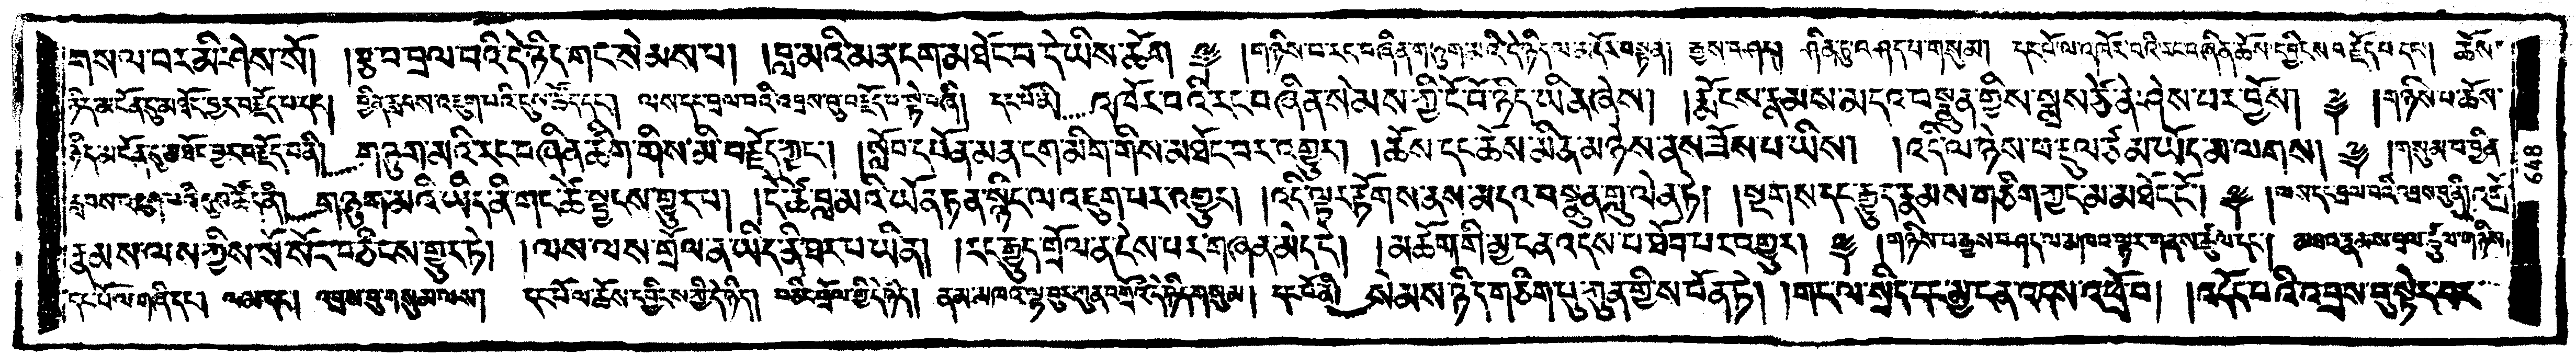གསལ་བར་མི་ཤེས་སོ། །རྩ་བ་བྲལ་བའི་དེ་ཉིད་གང་སེམས་པ། །བླ་མའི་མན་ངག་མཐོང་བ་དེ་ཡིས་ཆོག ༈ །གཉིས་པ་རང་བཞིན་གཉུག་མའི་དེ་ཉིད་ལ་མདོར་བསྟན། རྒྱས་བཤད། ཤིན་ཏུ་བཤད་པ་གསུམ། །དང་པོ་ལ་ཧོར་བའི་དང་བཞིན་ཆོས་བརྗོད་པ་དང་། ཆོས་
ཉིད་མངོན་དུ་མཐོང་བྱེད་བརྗོད་པ་དང་། བྱིན་རླབས་འཇུག་པའི་དུས་ཚོད་དང་། ལས་དང་བྲལ་བའི་འབྲས་བུ་བརྗོད་པ་སྟེ་བཞི། དང་པོ་ནི། འཁོར་བའི་རང་བཞིན་སེམས་ཀྱི་ངོ་བོ་ཉིད་ཡིན་ཞེས། །རྨོངས་རྣམས་མདའ་བསྣུན་གྱིས་སྨྲས་ཅོ་ནེ་ཤེས་པར་བྱོས། ༈ །གཉིས་པ་ཆོས་
ཉིད་མངོན་དུ་མཐོང་བྱང་བརྗོད་པ་ནི། གཉུག་མའི་རང་བཞིན་ཚིག་གིས་མི་བརྗོད་ཀྱང་། །སློབ་དཔོན་མན་ངག་མིག་གིས་མཐོང་བར་འགྱུར། །ཆོས་དང་ཆོས་མིན་མཉེས་ནས་ཟོས་པ་ཡིས། །འདི་ལ་ཉེས་པ་རྡུལ་ཙམ་ཡོད་མ་ལགས། ༈ །གསུམ་བ་བྱིན་
རླབས་འཇུག་པའི་དུས་ཚོད་ནི། གཉུག་མའི་ཡིད་ནི་གང་ཚེ་སྦྱངས་གྱུར་པ། །དེ་ཚེ་བླ་མའི་ཡོན་ཏན་སྙིང་ལ་འཇུག་པར་འགྱུར། །འདི་ལྟར་རྟོགས་ནས་མདའ་བསྣུན་གླུ་ལེན་ཏེ། །སྔགས་དང་རྒྱུད་རྣམས་གཅིག་ཀྱང་མ་མཐོང་ངོ། ༈ །ལས་དང་བྲལ་བའི་འབྲས་བུ་ནི། འགྲོ་
རྣམས་ལས་ཀྱིས་སོ་སོང་བཅིངས་གྱུར་ཏེ། །ལས་ལས་གྲོལ་ན་ཡིད་ནི་ཐར་པ་ཡིན། །རང་རྒྱུད་གྲོལ་ན་ངེས་པར་གཞན་མེད་དེ། །མཆོག་གི་མྱ་ངན་འདས་པ་ཐོབ་པར་འགྱུར། ༈ །གཉིས་བརྒྱས་བཤད་ལ་མཁའ་ལྟར་གནས་ཚུལ་དང་། མཐའ་རྣམས་བྲལ་ཚུལ་གཉིས་
དང་པོ་ལ་གཞི་དང་། ལམ་དང་། འབྲས་བུ་གསུམ་ལས། དང་པོ་ལ་ཆོས་དབྱིངས་ཀྱི་དེ་ཉིད། བཅིང་གྲོལ་གྱི་དེ་ཉིད། ནམ་མཁའ་ལྟ་བུར་ཀུན་འགྲོའི་དེ་ཉིད་གསུམ། དང་པོ་ནི། སེམས་ཉིད་གཅིག་པུ་ཀུན་གྱིས་བོན་ཏེ། །གང་ལ་སྲིད་དང་མྱ་ངན་འདས་འཕྲོ་བ། །འདོད་པའི་འབྲས་བུ་སྟེར་བར་